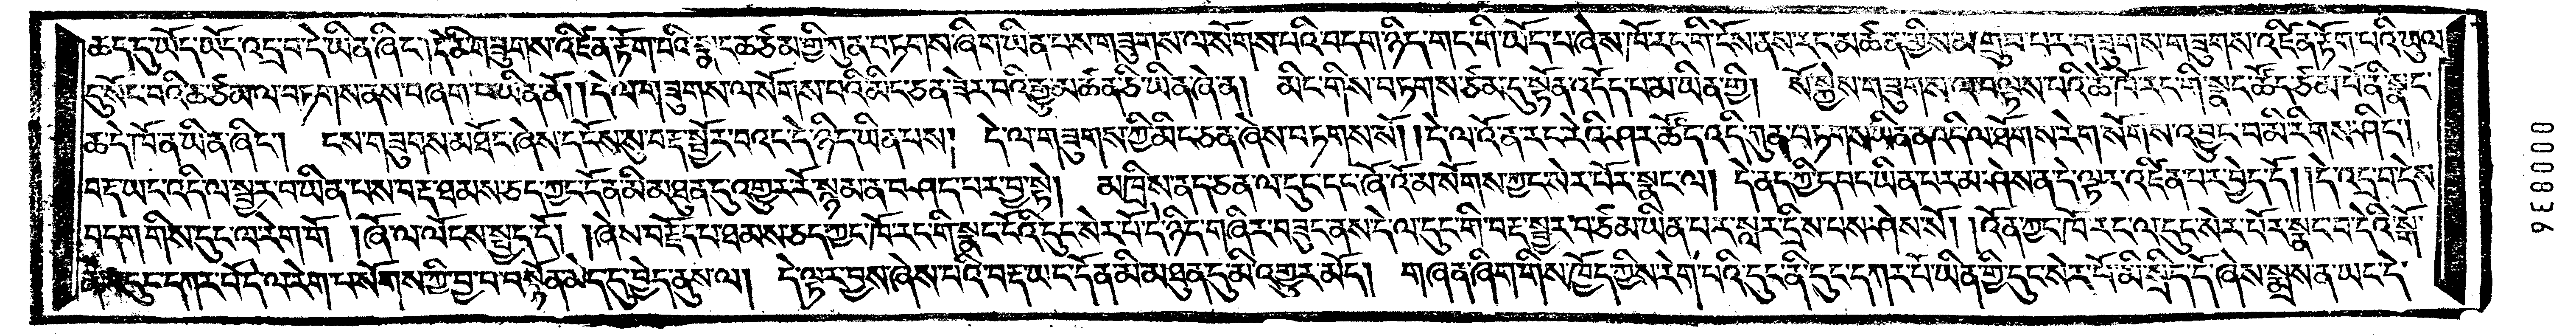ཆད་དུ་ཡོད་ཡོད་འདྲ་བ་དེ་ཡིན་ཞིང་། དེ་ནི་གཟུགས་འཛིན་རྟོག་པའི་སྣང་ཆ་ཙམ་གྱི་ཀུན་བཏགས་ཞིག་ཡིན་པས་གཟུགས་ལ་སོགས་པའི་བདག་ཉིད་གང་གི་ཡོད་པ་ཞེས་ཁོ་རང་གི་ངོས་ནས་རང་མཚན་གྱིས་མ་གྲུབ་པར་གཟུགས་གཟུགས་འཛིན་རྟོག་པའི་ཡུལ་
དུ་སོང་བའི་ཆ་ཙམ་ལ་བཏགས་ནས་བཞག་པ་ཡིན་ནོ། །དེ་ལ་གཟུགས་ལ་སོགས་པའི་མིང་ཅན་ཟེར་བའི་རྒྱུ་མཚན་ཅི་ཡིན་ཞེ་ན། མིང་གིས་བཏགས་ཙམ་དུ་སྟོན་འདོད་པ་མ་ཡིན་གྱི། སོ་སྐྱེས་གཟུགས་ལ་བལྟས་པའི་ཚེ་ཁོ་རང་གི་སྣང་ཚོད་ཙམ་པོ་ནི་སྣང་
ཆ་དེ་ཁོ་ན་ཡིན་ཞིང་། ངས་གཟུགས་མཐོང་ཞེས་དངོས་སུ་བརྡ་སྦྱོར་བའང་དེ་ཉིད་ཡིན་པས། དེ་ལ་གཟུགས་ཀྱི་མིང་ཅན་ཞེས་བཏགས་སོ། །དེ་ལ་འོ་ན་རང་རེའི་ཤར་ཚོད་འདི་ཀུན་བཏགས་ཡིན་ན་འདི་ལ་ཐོགས་རེག་སོགས་འབྱུང་བ་མི་རིགས་ཤིང་།
བརྡ་ཡང་འདི་ལ་སྦྱར་བ་ཡིན་པས་བརྡ་ཐམས་ཅད་ཀྱང་དོན་མི་མཐུན་དུ་འགྱུར་རོ་སྙམ་ན་བཤད་པར་བྱ་སྟེ། མཁྲིས་ནད་ཅན་ལ་དུང་དང་ཞོ་འོ་མ་སོགས་ཀྱང་སེར་པོར་སྣང་ལ། དེ་ནད་ཀྱི་དབང་ཡིན་པར་མ་ཤེས་ན་དེ་ལྟར་འཛིན་པར་བྱེད་དོ། །དེ་འདྲ་བ་དེས་
བདག་གིས་དུང་ལ་རེག་གོ །ཞོ་ལ་ལོངས་སྤྱད་དོ། །ཞེས་བརྗོད་པ་ཐམས་ཅད་ཀྱང་ཁོ་རང་གི་སྣང་ངོའི་དུང་སེར་པོ་དེ་ཉིད་གཞིར་བཟུང་ནས་དེ་ལ་དུང་གི་བརྡ་སྦྱར་བ་ཙམ་ཡིན་པར་སླར་དྲིས་པས་ཤེས་སོ། །འོན་ཀྱང་ཁོ་རང་ལ་དུང་སེར་པོར་སྣང་བ་དེའི་སྒོ་
ནས་དུང་དཀར་པོ་དེ་ལ་རེག་པ་སོགས་ཀྱི་བྱ་བ་བསྙོན་མེད་དུ་བྱེད་ནུས་ལ། དེ་ལྟར་བྱས་ཞེས་པའི་བརྡ་ཡང་དོན་མི་མཐུན་དུ་མི་འགྱུར་མོད། གཞན་ཞིག་གིས་ཁྱོད་ཀྱིས་རེག་པའི་དུང་ནི་དུང་དཀར་པོ་ཡིན་གྱི་དུང་སེར་པོ་མི་སྲིད་དོ་ཞེས་སྨྲས་ན་ཡང་དེ་